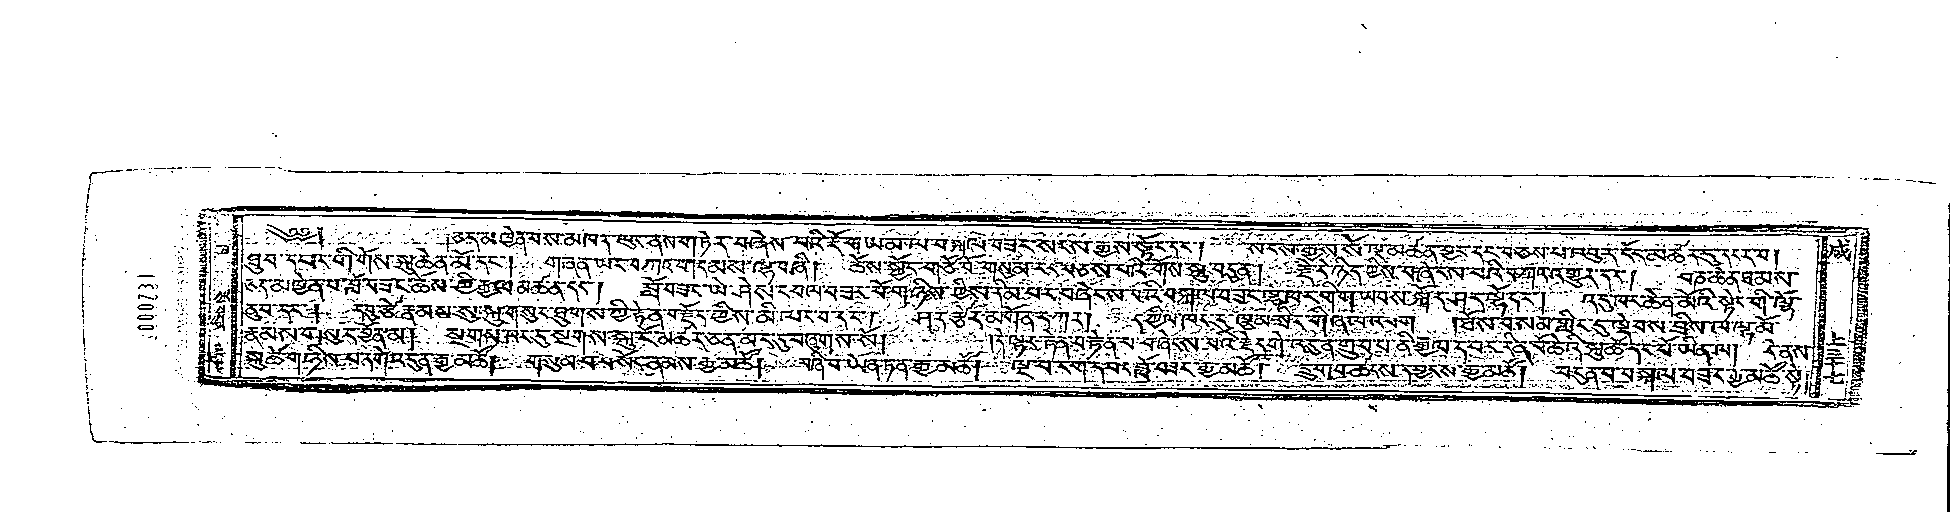༄༅། །ཅད་མཁྱེན་བས་མཁར་ལུང་ནས་གཏེར་བཞེས་པའི་རྡོ་གཡམ་ལ་བསྐལ་བཟང་སངས་རྒྱས་སྟོང་དང་། སངས་རྒྱས་སོ་ལྔ་མཚན་བྱང་དང་བཅས་པ་འབུར་དོང་མཚར་དུ་དངར་བ།
ཐུབ་དབང་གི་གོས་སྐུ་ཆེན་མོ་དང་། གཞན་ཡང་བཀའ་གདམས་ལྷ་བཞི། ཆོས་སྐྱོང་གཙོ་བོ་གསུམ་དང་བཅས་པའི་གོས་སྐུ་བདུན། རྗེ་དེ་ཉིད་ཀྱིས་བཞེངས་པའི་བཀའ་འགྱུར་དང་། པཎ་ཆེན་ཐམས་
ཅད་མཁྱེན་པ་བློ་བཟང་ཆོས་ཀྱི་རྒྱལ་མཚན་དང་། བློ་བཟང་ཡེ་ཤེས་དཔལ་བཟང་པོ་གཉིས་ཀྱིས་རིམ་པར་བཞེངས་པའི་བསྐལ་བཟང་ལྷ་ཁང་གི་གཡབས་སྐོར་ཤར་ལྷོ་དང་། འདུ་ཁང་ཆེན་མོའི་སྟེང་གི་ལྷོ་
ནུབ་དང་། དབུ་རྩེ་རྣམས་སུ་སྐུ་གསུང་ཐུགས་ཀྱི་རྟེན་བརྗོད་ཀྱིས་མི་ལང་བ་དང་། ཤར་རྩེར་མགོན་དཀར། དཀྱིལ་ཁང་དུ་ལྕམ་སྲིད་གི་ཞལ་འབག །ཐོས་བསམ་གླིང་དུ་ལྡེབས་བྲིས་ལ་ལྷ་མོ་
རྣམས་གསུང་བྱོན་མ། སྔགས་ཁང་དུ་སྔགས་སྐུ་ངོ་མཚར་ཅན་མང་དུ་བཞུགས་སོ། །དེ་ལྟར་རྟེན་བརྟེན་པ་བཞེངས་པའི་རྗེ་དགེ་འདུན་གྲུབ་པ་ནི་རྒྱལ་དབང་རིན་པོ་ཆེའི་སྐུ་ཚེ་དང་པོ་ཡིན་ལ། དེ་ནས་
སྐུ་ཚེ་གཉིས་པ་དགེ་འདུན་རྒྱ་མཚོ། གསུམ་པ་བསོད་ནམས་རྒྱ་མཚོ། བཞི་པ་ཡོན་ཏན་རྒྱ་མཚོ། ལྔ་པ་ངག་དབང་བློ་བཟང་རྒྱ་མཚོ། དྲུག་བ་ཚངས་དབྱངས་རྒྱ་མཚོ། བདུན་པ་བསྐལ་བཟང་རྒྱ་མཚོ་སྟེ།